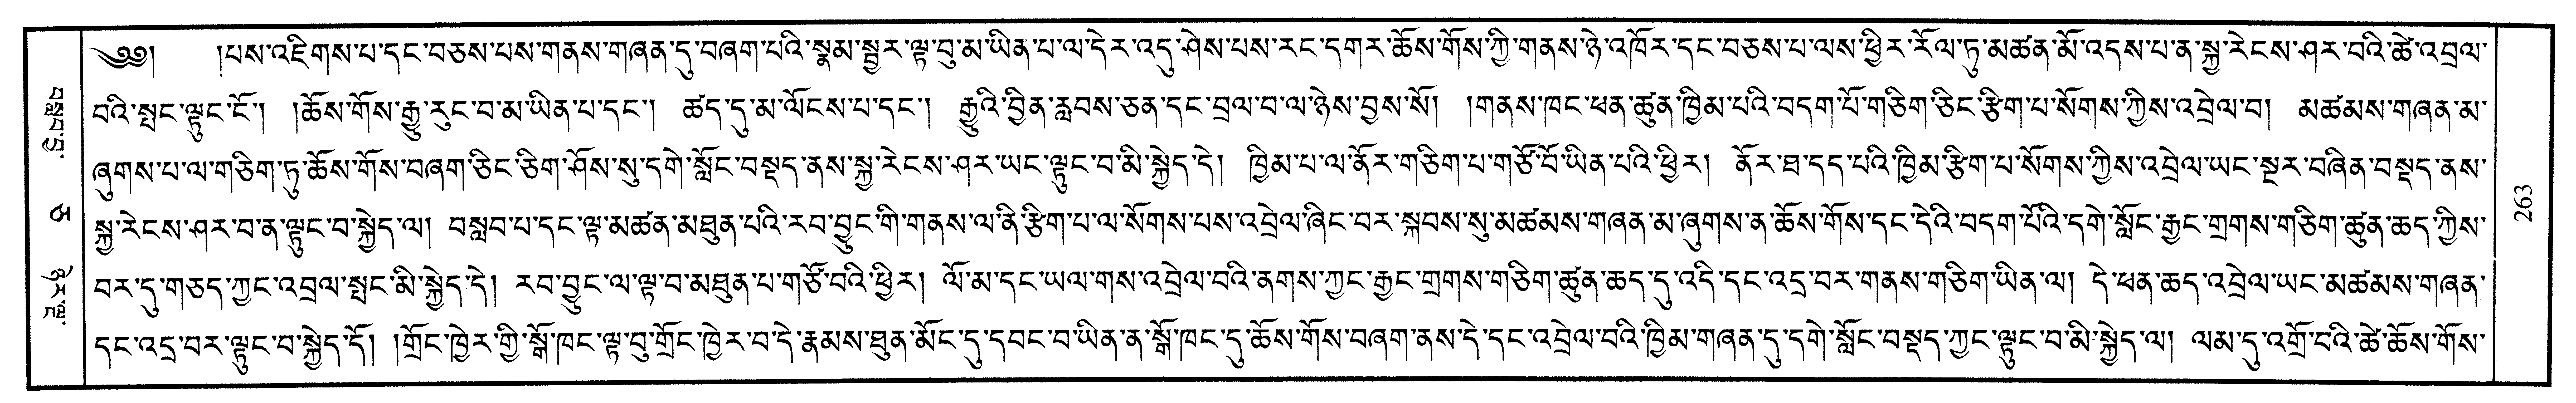༄༅། །པས་འཇིགས་པ་དང་བཅས་པས་གནས་གཞན་དུ་བཞག་པའི་སྣམ་སྦྱར་ལྟ་བུ་མ་ཡིན་པ་ལ་དེར་འདུ་ཤེས་པས་རང་དགར་ཆོས་གོས་ཀྱི་གནས་ཉེ་འཁོར་དང་བཅས་པ་ལས་ཕྱིར་རོལ་ཏུ་མཚན་མོ་འདས་པ་ན་སྐྱ་རེངས་ཤར་བའི་ཚེ་འབྲལ་
བའི་སྤང་ལྟུང་ངོ། །ཆོས་གོས་རྒྱུ་རུང་བ་མ་ཡིན་པ་དང་། ཚད་དུ་མ་ལོངས་པ་དང་། རྒྱུའི་བྱིན་རླབས་ཅན་དང་བྲལ་བ་ལ་ཉེས་བྱས་སོ། །གནས་ཁང་ཕན་ཚུན་ཁྱིམ་པའི་བདག་པོ་གཅིག་ཅིང་རྩིག་པ་སོགས་ཀྱིས་འབྲེལ་བ། མཚམས་གཞན་མ་
ཞུགས་པ་ལ་གཅིག་ཏུ་ཆོས་གོས་བཞག་ཅིང་ཅིག་ཤོས་སུ་དགེ་སློང་བསྡད་ནས་སྐྱ་རེངས་ཤར་ཡང་ལྟུང་བ་མི་སྐྱེད་དེ། ཁྱིམ་པ་ལ་ནོར་གཅིག་པ་གཙོ་བོ་ཡིན་པའི་ཕྱིར། ནོར་ཐ་དད་པའི་ཁྱིམ་རྩིག་པ་སོགས་ཀྱིས་འབྲེལ་ཡང་སྔར་བཞིན་བསྡད་ནས་
སྐྱ་རེངས་ཤར་བ་ན་ལྟུང་བ་སྐྱེད་ལ། བསླབ་པ་དང་ལྟ་མཚན་མཐུན་པའི་རབ་བྱུང་གི་གནས་ལ་ནི་རྩིག་པ་ལ་སོགས་པས་འབྲེལ་ཞིང་བར་སྐབས་སུ་མཚམས་གཞན་མ་ཞུགས་ན་ཆོས་གོས་དང་དེའི་བདག་པོའི་དགེ་སློང་རྒྱང་གྲགས་གཅིག་ཚུན་ཆད་ཀྱིས་
བར་དུ་གཅད་ཀྱང་འབྲལ་སྤང་མི་སྐྱེད་དེ། རབ་བྱུང་ལ་ལྟ་བ་མཐུན་པ་གཙོ་བའི་ཕྱིར། ལོ་མ་དང་ཡལ་གས་འབྲེལ་བའི་ནགས་ཀྱང་རྒྱང་གྲགས་གཅིག་ཚུན་ཆད་དུ་འདི་དང་འདྲ་བར་གནས་གཅིག་ཡིན་ལ། དེ་ཕན་ཆད་འབྲེལ་ཡང་མཚམས་གཞན་
དང་འདྲ་བར་ལྟུང་བ་སྐྱེད་དོ། །གྲོང་ཁྱེར་གྱི་སྒོ་ཁང་ལྟ་བུ་གྲོང་ཁྱེར་བ་དེ་རྣམས་ཐུན་མོང་དུ་དབང་བ་ཡིན་ན་སྒོ་ཁང་དུ་ཆོས་གོས་བཞག་ནས་དེ་དང་འབྲེལ་བའི་ཁྱིམ་གཞན་དུ་དགེ་སློང་བསྡད་ཀྱང་ལྟུང་བ་མི་སྐྱེད་ལ། ལམ་དུ་འགྲོ་བའི་ཚེ་ཆོས་གོས་